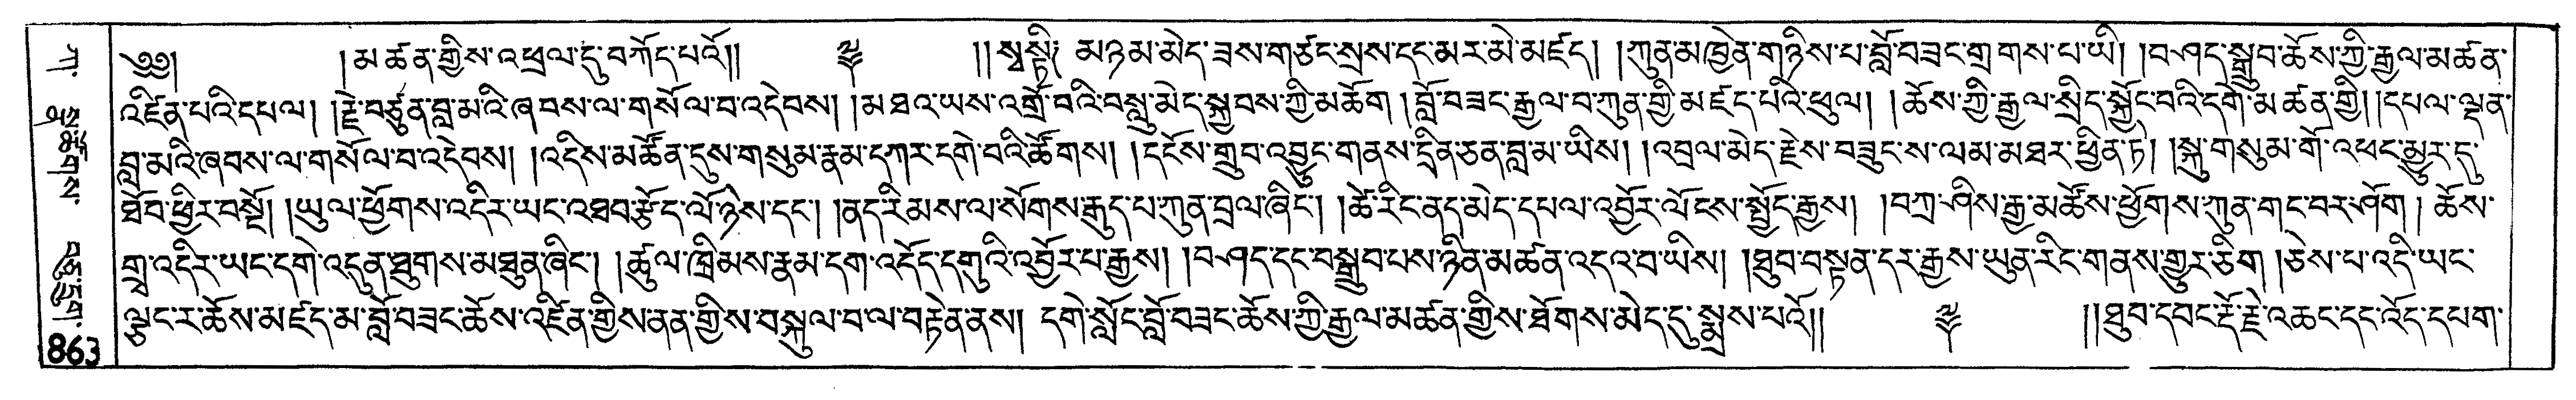༄༅། །མཚན་གྱིས་འཕྲལ་དུ་བཀོད་པའོ།། ༈ །།སྭསྟི༑ མཉམ་མེད་ཟས་གཙང་སྲས་དང་མར་མེ་མཛད། །ཀུན་མཁྱེན་གཉིས་པ་བློ་བཟང་གྲགས་པ་ཡི། །བཤད་སྒྲུབ་ཆོས་ཀྱི་རྒྱལ་མཚན་
འཛིན་པའི་དཔལ། །རྗེ་བཙུན་བླ་མའི་ཞབས་ལ་གསོལ་བ་འདེབས། །མཐའ་ཡས་འགྲོ་བའི་བསླུ་མེད་སྐྱབས་ཀྱི་མཆོག །བློ་བཟང་རྒྱལ་བ་ཀུན་གྱི་མཛད་པའི་ཕུལ། །ཆོས་ཀྱི་རྒྱལ་སྲིད་སྐྱོང་བའི་དགེ་མཚན་གྱི། །དཔལ་ལྡན་
བླ་མའི་ཞབས་ལ་གསོལ་བ་འདེབས། །འདིས་མཚོན་དུས་གསུམ་རྣམ་དཀར་དགེ་བའི་ཚོགས། །དངོས་གྲུབ་འབྱུང་གནས་དྲིན་ཅན་བླ་མ་ཡིས། །འབྲལ་མེད་རྗེས་བཟུང་ས་ལམ་མཐར་ཕྱིན་ཏེ། །སྐུ་གསུམ་གོ་འཕང་མྱུར་དུ་
ཐོབ་ཕྱིར་བསྔོ། །ཡུལ་ཕྱོགས་འདིར་ཡང་འཐབ་རྩོད་ལོ་ཉེས་དང་། །ནད་རིམས་ལ་སོགས་རྒུད་པ་ཀུན་བྲལ་ཞིང་། །ཚེ་རིང་ནད་མེད་དཔལ་འབྱོར་ལོངས་སྤྱོད་རྒྱས། །བཀྲ་ཤིས་རྒྱ་མཚོས་ཕྱོགས་ཀུན་གང་བར་ཤོག །ཆོས་
གྲྭ་འདིར་ཡང་དགེ་འདུན་ཐུགས་མཐུན་ཞིང་། །ཚུལ་ཁྲིམས་རྣམ་དག་འདོད་དགུའི་འབྱོར་པ་རྒྱས། །བཤད་དང་བསྒྲུབ་པས་ཉིན་མཚན་འདའ་བ་ཡིས། །ཐུབ་བསྟན་དར་རྒྱས་ཡུན་རིང་གནས་གྱུར་ཅིག །ཅེས་པ་འདི་ཡང་
ལྕང་ར་ཆོས་མཛད་མ་བློ་བཟང་ཆོས་འཛིན་གྱིས་ནན་གྱིས་བསྐུལ་བ་ལ་བརྟེན་ནས། དགེ་སློང་བློ་བཟང་ཆོས་ཀྱི་རྒྱལ་མཚན་གྱིས་ཐོགས་མེད་དུ་སྨྲས་པའོ།། ༈ །།ཐུབ་དབང་རྡོ་རྗེ་འཆང་དང་འོད་དཔག་